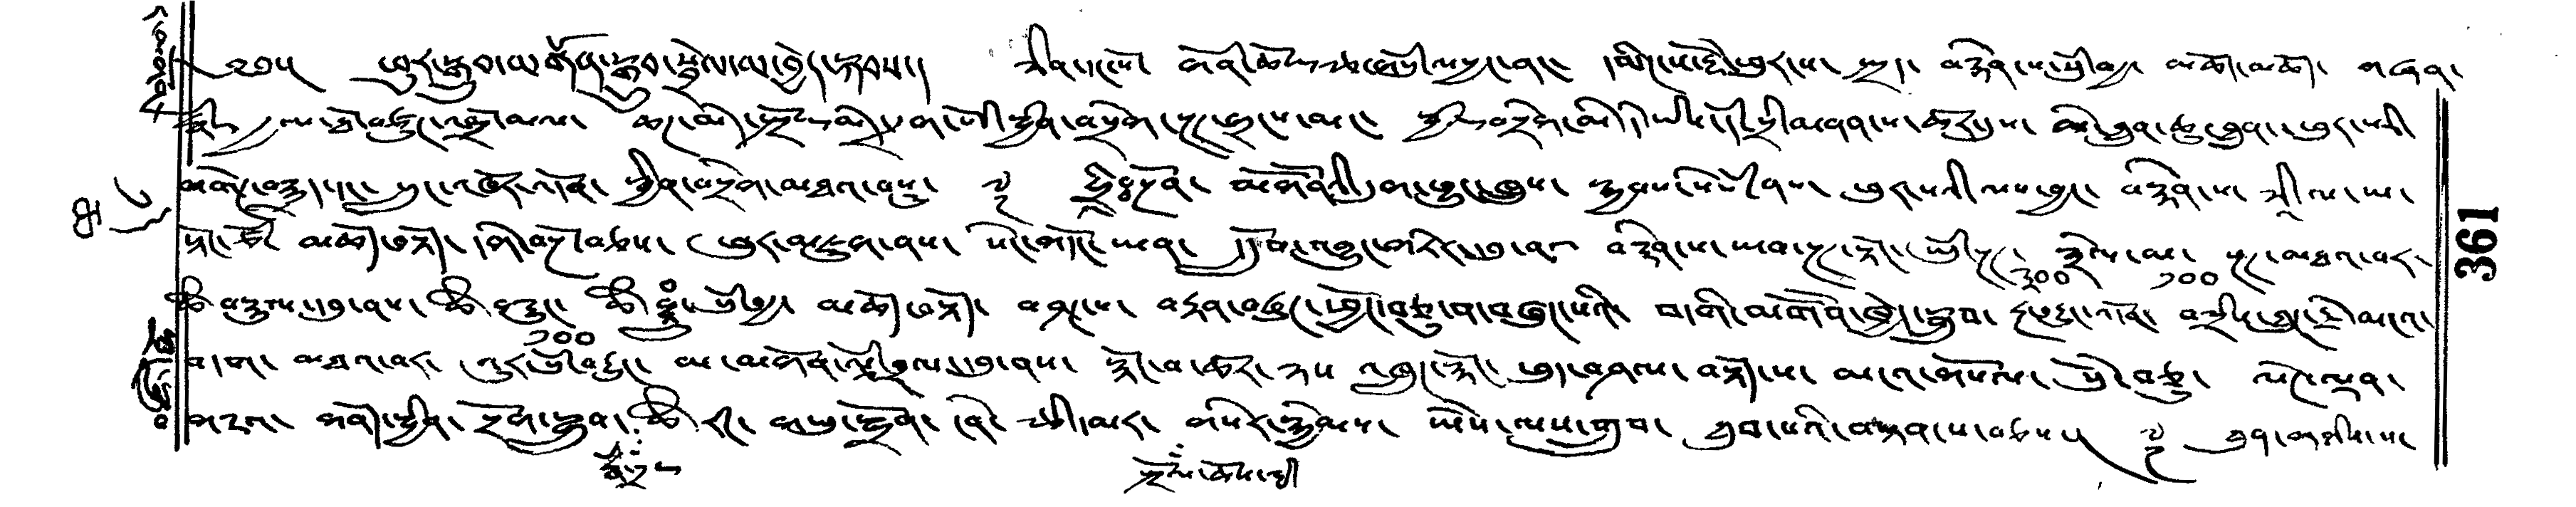ཕུར་སྒྲུབ་མགོན་སྒྲུབ་སྦྲེལ་མ་བྱེད་སྐབས། ཉིན་དང་པོ། གནམ་ཆོས་རྩ་གསུམ་ལས་བྱང་ནང་། དམིགས་པ་རྡོ་རྗེ་ཕུར་པ༴ སྤྲད། བསྙེན་པ་སུམ་བརྒྱ། མཆོད་བསྟོད། གཞན་
རྣམས། རྒྱལ་ཐོ་བཙུགས་འཕྲོའི་མལ། ཆགས་མེད་སྤྲོས་མེད་དྲག་པོའི་སྦྱིན་སྲེག་སྔགས་གྲངས་མང་། སྦྱིན་བསྲེག་མེ་དེ་ཡི་ས་དམ་སྲི་མནན་པ་ཚར་དུས། མེ་ཐུན་ཆུ་ཐུན། ཕུར་པའི་
བགེགས་བསྐྲད་དང་། སྲུང་འཁོར་འདོན། སྦྱིན་སྲེག་མཐའ་བསྡུ། ༈ ཧྲཱིཿསྔོན༴ མགོན་པོའི་དུག་ཕྱུང་ཁྲུས། སྐྱབས་སེམས་ནས། ཕུར་པའི་ལས་བྱང་། བསྙེན་པ། ཀཱི་ལ་ཡ༴ 
སྟོང་ཙམ། མཆོད་བསྟོད། དགེ་བསྔོ་བཅས། ཕུར་མཇུག་ནས། སེང་གདོང་ཡན། དངོས་གྲུབ་འབྱུང་གཏེར་དབུ་ནས་བསྙེན་པ་ཡབ་སྔགས་སྟོང་། ཡུམ་སྔགས་གསུམ་བརྒྱ། སྦྲེལ་མ་བརྒྱ། སྔགས་མཐའ་བར་
ཚེ་བསྐུལ་དབུ་ནས། ཚེ་གཟུངས་བརྒྱ། ཚེ་བྷྲུྃ་སུམ་བརྒྱ། མཆོད་བསྟོད། བཤགས་པ། བརྟན་བཞུགས། ཕྱོགས་བཅུ་ན་བཞུགས་པའི༴ བདག་གི་མགོན་པོ་ཁྱེད་སྒྲུབ༴ རྔ་རྡུང་འདོན། བཀྲ་ཤིས། ཐུགས་རྗེ་མངའ་
བདག༴ མཐའ་བར། འུར་སུམ་རྡུང་། མ་མགོན་ལྕམ་དྲལ་དབུ་ནས། སྐོང་བ་ཚར་ཉེར་ལྔ། འཁྲུགས་སྐོང་། ཕུད་བཤལ། བསྟོད་པ། མངའ་གསོལ། སུམ་བཅུ༴ ལེགས་ལྡན། 
གཟའ། གནོད་སྦྱིན། སྲོག་སྒྲུབ། རྣམ་སྲས། ཚེ་རིང་། གཡུ་སྒྲོན། ངན་ནེ། ཙི་དམར། སྤྲོལ་བྲལ་ཆོས་ཀྱི༴ གསེར་སྐྱེམས། ཡེ་ཤེས་ལས་གྲུབ༴ ཐུབ་པའི་བསྟན་པ༴ བཅས། ༈ ཐུན་གཉིས་པ།